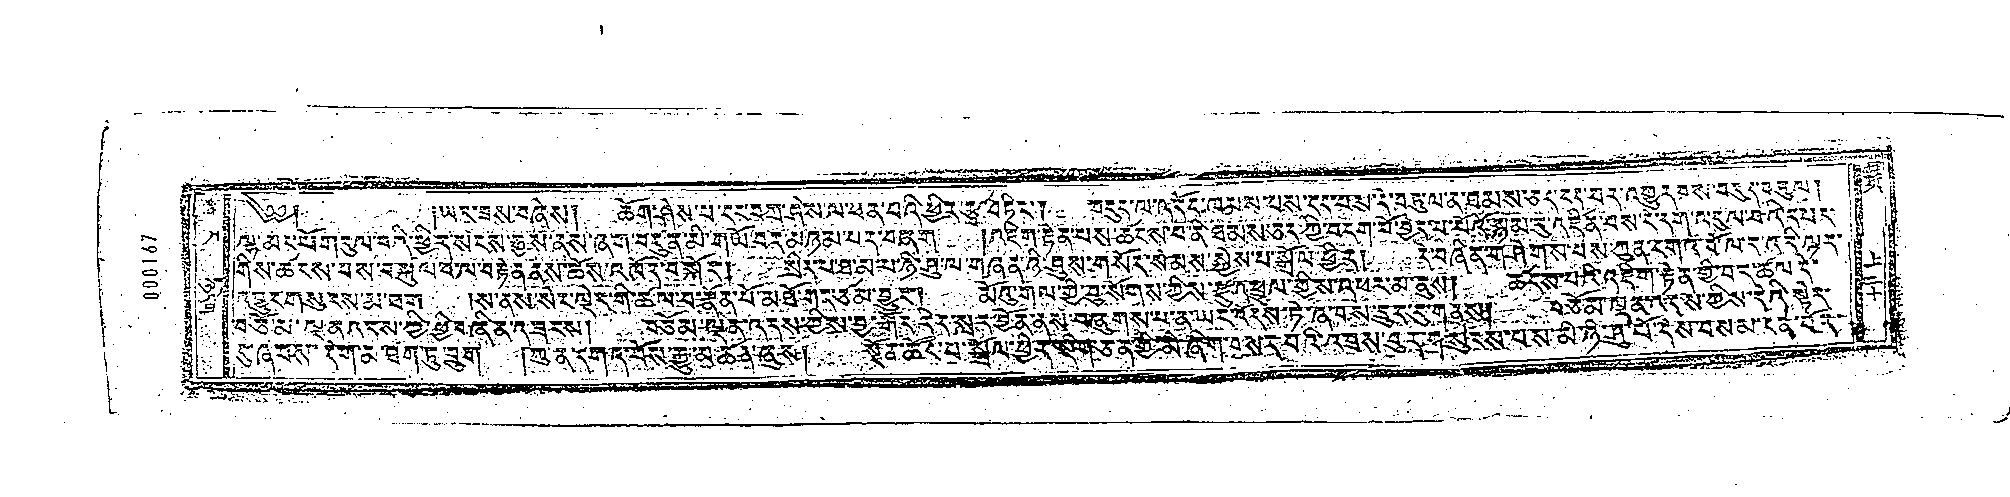༄༅། །ཡང་ཟས་བཞེས། ཆོག་ཤེས་པ་དང་བཀྲ་ཤིས་ལ་ཕན་པའི་ཕྱིར་རྩྭ་བཏིང་། བདུད་ལ་འདོད་ཁམས་པས་དད་པས་དེ་བཏུལ་ན་ཐམས་ཅད་དད་བར་འགྱུར་བས་བདུད་བཏུལ།
ལྷ་མང་པོ་གདུལ་བའི་ཕྱིར་སངས་རྒྱས་ནས་ཞག་བདུན་མི་གཡོ་བར་མཉམ་པར་བཞག །འཇིག་རྟེན་པས་ཚངས་པ་ནི་ཐམས་ཅད་ཀྱི་བདག་པོ་བྱེད་པ་པོའོ་སྙམ་དུ་འཛིན་པས་དེ་དག་འདུལ་བའི་དབང་
གིས་ཚངས་པས་བསྐུལ་བ་ལ་བརྟེན་ནས་ཆོས་འཁོར་བསྐོར། སྲིད་པ་ཐ་མ་པ་ཉི་ཤུ་ལ་གཞན་ཉི་ཤུས་གསོད་སེམས་སྐྱེས་པ་སྒྲོལ་ཕྱིར། དེ་བཞིན་གཤེགས་པས་ཀུན་དགའ་བོ་ལ་ང་འདི་ལྟར་
འབྱུང་གསུངས་མ་ཐག །ས་ནས་སེང་ལྡེང་གི་ཚལ་བ་རྣོན་པོ་མཐོ་གང་ཙམ་བྱུང་། མོའུ་གལ་གྱི་བུ་སོགས་ཀྱིས་རྫུ་འཕྲུལ་གྱིས་འཕང་མ་ནུས། ཚངས་པའི་འཇིག་རྟེན་གྱི་བར་ཚལ་དེ་
བཅོམ་ལྡན་འདས་ཀྱི་ཕྱི་བཞིན་འབྲངས། བཅོམ་ལྡན་འདས་ཀྱིས་བྱ་རྒོད་རིར་སླར་བྱོན་ནས་བཞུགས་པ་ན་ཡང་འོངས་ཏེ་ཞབས་དྲུང་དུ་གནས། བཅོམ་ལྡན་འདས་ཀྱིས་དེའི་སྟེད་
དུ་ཞབས་རེག་མ་ཐག་ཏུ་བྲུག །ཀུན་དགའ་བོས་རྒྱུ་མཚན་ཞུས། སྔོན་ཚོང་པ་སྒྲོལ་ཕྱིར་སྡིག་ཅན་གྱི་མི་ཞིག་བསད་བའི་འབྲས་བུར་གསུངས་པས་མི་ཉི་ཤུ་པོ་དེས་བསམ་ངན་བོར་